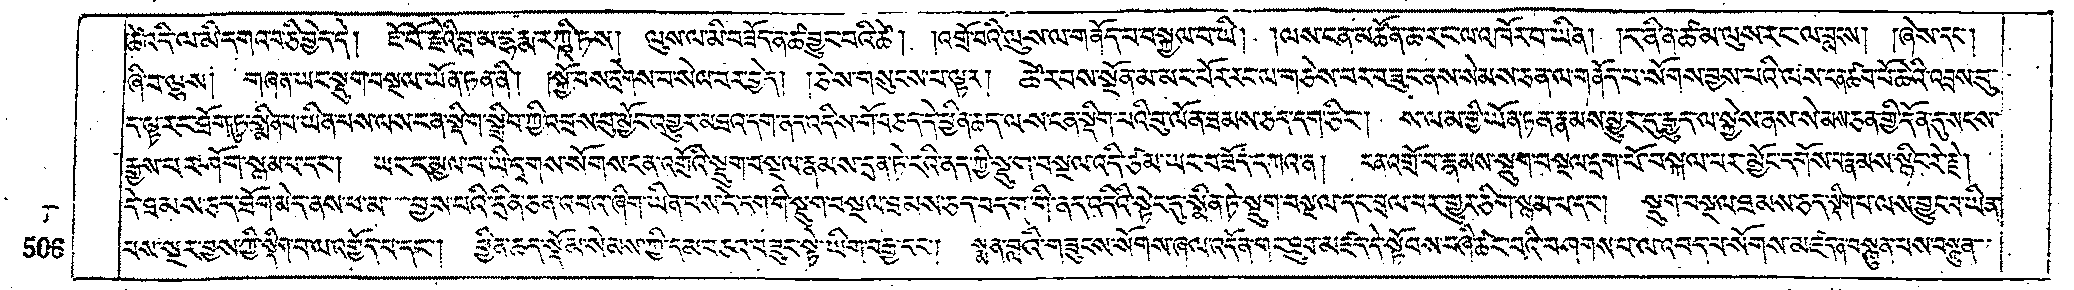ཚེ་འདི་ལ་མི་དགའ་བ་ཅི་བྱེད་དེ། ཇོ་བོ་རྗེའི་བླ་མ་དྷརྨ་རཀྵི་ཏས། ལུས་ལ་མི་བཟོད་ན་ཚ་བྱུང་བའི་ཚེ། །འགྲོ་བའི་ལུས་ལ་གནོད་པ་བསྐྱལ་བ་ཡི། །ལས་ངན་མཚོན་ཆ་རང་ལ་འཁོར་བ་ཡིན། །ད་ནི་ན་ཚ་མ་ལུས་རང་ལ་བླངས། །ཞེས་དང་།
ཞི་བ་ལྷས། གཞན་ཡང་སྡུག་བསྔལ་ཡོན་ཏན་ནི། །སྐྱོ་བས་དྲེགས་པ་སེལ་བར་བྱེད། །ཅེས་གསུངས་པ་ལྟར། ཚེ་རབས་སྔོན་མ་མང་པོར་རང་ལ་གཅེས་པར་བཟུང་ནས་སེམས་ཅན་ལ་གནོད་པ་སོགས་བྱས་པའི་ལས་ངན་ཚབ་པོ་ཆེའི་འབྲས་བུ་
ད་ལྟ་རང་ཐོག་ཏུ་སྨིན་པ་ཡིན་པས་ལས་ངན་སྡིག་སྒྲིབ་ཀྱི་འབྲས་བུ་མྱོང་འགྱུར་མཐའ་དག་ནད་འདིས་གོ་བཅད་དེ་ཕྱིན་ཆད་ལས་ངན་སྡིག་པའི་བུ་ལོན་ཐམས་ཅད་དག་ཅིང་། ས་ལམ་གྱི་ཡོན་ཏན་རྣམས་མྱུར་དུ་རྒྱུད་ལ་སྐྱེས་ནས་སེམས་ཅན་གྱི་དོན་དུ་སངས་
རྒྱས་པར་ཤོག་སྙམ་པ་དང་། ཡང་དམྱལ་བ་ཡི་དྭགས་སོགས་ངན་འགྲོའི་སྡུག་བསྔལ་རྣམས་དྲན་ཏེ་ངའི་ནད་ཀྱི་སྡུག་བསྔལ་འདི་ཙམ་ཡན་བཟོད་དཀའ་ན། ནན་འགྲོ་བ་རྣམས་སྡུག་བསྔལ་དྲག་པོ་བསྐལ་པར་མྱོང་དགོས་པ་རྣམས་སྙིང་རེ་རྗེ།
དེ་ཐམས་ཅད་ཐོག་མེད་ནས་ཕ་མ་་་བྱས་པའི་དྲིན་ཅན་འབའ་ཞིག་ཡིན་པས་དེ་དག་གི་སྡུག་བསྔལ་ཐམས་ཅད་བདག་གི་ནད་འདིའི་སྟེང་དུ་སྨིན་ཏེ་སྡུག་བསྔལ་དང་བྲལ་བར་གྱུར་ཅིག་སྙམ་པ་དང་། སྡུག་བསྔལ་ཐམས་ཅད་སྡིག་པ་ལས་བྱུང་བ་ཡིན་
པས་སྔར་བྱས་ཀྱི་སྡིག་པ་ལ་འགྱོད་པ་དང་། ཕྱིན་ཆད་སྡོམ་སེམས་ཀྱི་དམ་བཅའ་བཟུང་སྟེ་ཡིག་བརྒྱ་དང་། སྨན་བླའི་གཟུངས་སོགས་ཞལ་འདོན་གང་ཐུབ་མཛད་དེ་སྟོབས་བཞི་ཚང་བའི་བཤགས་པ་ལ་འབད་པ་སོགས་མཛད་ན་བསྙུན་པས་བསྙུན་་་